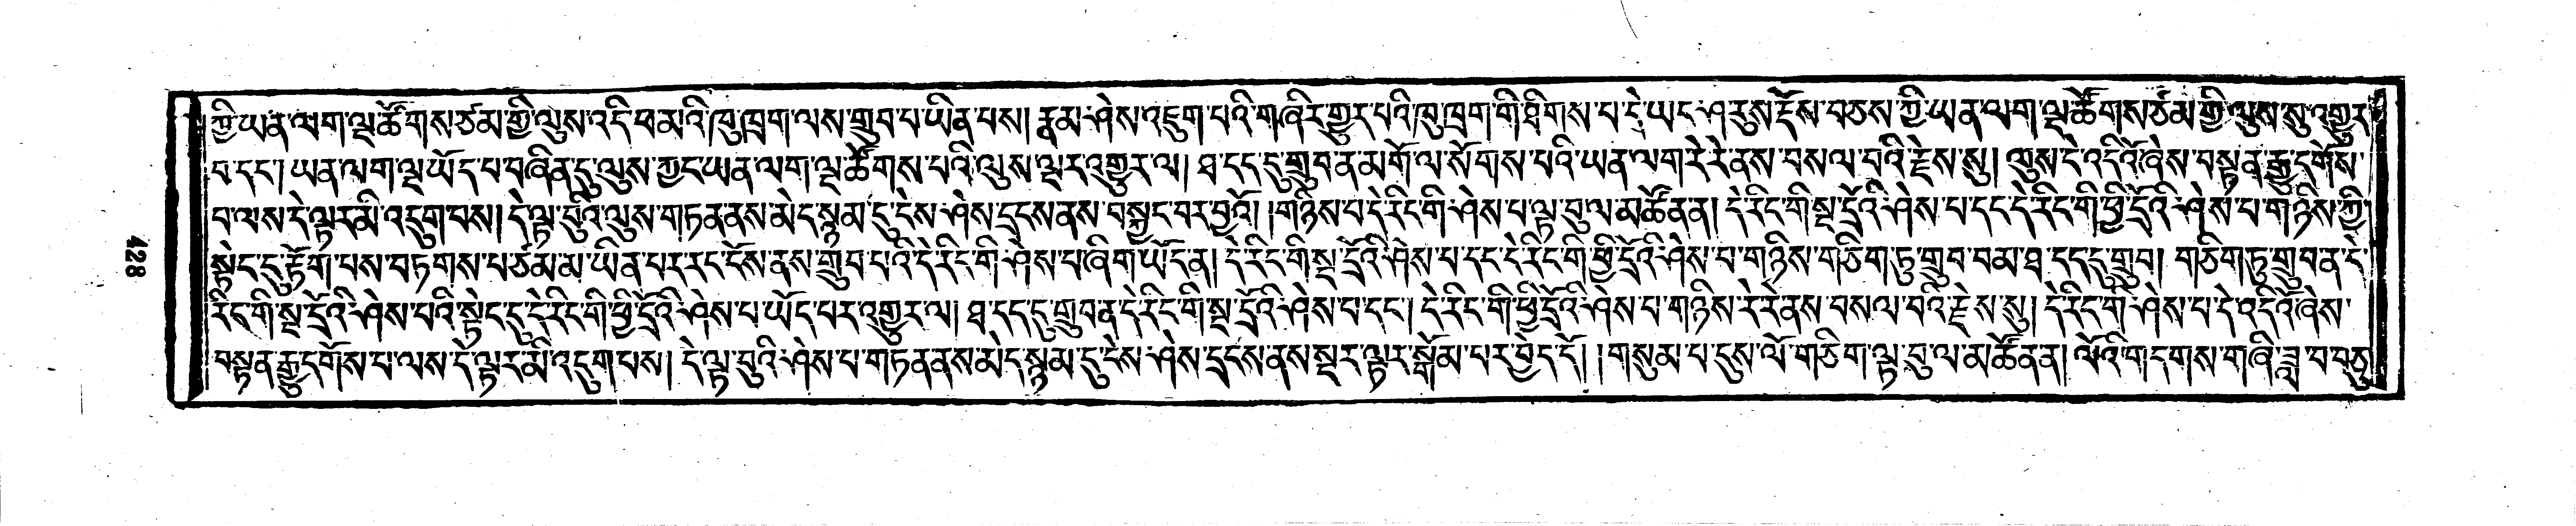ཀྱི་ཡན་ལག་ལྔ་ཚོགས་ཙམ་གྱི་ལུས་འདི་ཕ་མའི་ཁུ་ཁྲག་ལས་གྲུབ་པ་ཡིན་པས། རྣམ་ཤེས་འཇུག་པའི་གཞིར་གྱུར་པའི་ཁུ་ཁྲག་གི་ཐིགས་པ་དེ་ཡང་ཤ་རུས་རྡོས་བཅས་ཀྱི་ཡན་ལག་ལྔ་ཚོགས་ཙམ་གྱི་ལུས་སུ་འགྱུར་
བ་དང་། ཡན་ལག་ལྔ་ཡོད་པ་བཞིན་དུ་ལུས་ཀྱང་ཡན་ལག་ལྔ་ཚོགས་པའི་ལུས་ལྔར་འགྱུར་ལ། ཐ་དད་དུ་གྲུབ་ན་མགོ་ལ་སོགས་པའི་ཡན་ལག་རེ་རེ་ནས་བསལ་བའི་རྗེས་སུ། ལུས་དེ་འདིའོ་ཞེས་བསྟན་རྒྱུ་དགོས་
པ་ལས་དེ་ལྟར་མི་འདུག་པས། དེ་ལྟ་བུའི་ལུས་གཏན་ནས་མེད་སྙམ་དུ་ངེས་ཤེས་དྲངས་ནས་བསྐྱང་བར་བྱའོ། །གཉིས་པ་དེ་རིང་གི་ཤེས་པ་ལྟ་བུ་ལ་མཚོན་ན། དེ་རིང་གི་སྔ་དྲོའི་ཤེས་པ་དང་དེ་རིང་གི་ཕྱི་དྲོའི་ཤེས་པ་གཉིས་ཀྱི་
སྟེང་དུ་རྟོག་པས་བཏགས་པ་ཙམ་མ་ཡིན་པར་རང་ངོས་ནས་གྲུབ་པའི་དེ་རིང་གི་ཤེས་པ་ཞིག་ཡོད་ན། དེ་རིང་གི་སྔ་དྲོའི་ཤེས་པ་དང་དེ་རིང་གི་ཕྱི་དྲོའི་ཤེས་པ་གཉིས་གཅིག་ཏུ་གྲུབ་བམ་ཐ་དད་དུ་གྲུབ། གཅིག་ཏུ་གྲུབ་ན་དེ་
རིང་གི་སྔ་དྲོའི་ཤེས་པའི་སྟེང་དུ་དེ་རིང་གི་ཕྱི་དྲོའི་ཤེས་པ་ཡོད་པར་འགྱུར་ལ། ཐ་དད་དུ་གྲུབ་ན་དེ་རིང་གི་སྔ་དྲོའི་ཤེས་པ་དང་། དེ་རིང་གི་ཕྱི་དྲོའི་ཤེས་པ་གཉིས་རེ་རེ་ནས་བསལ་བའི་རྗེས་སུ། དེ་རིང་གི་ཤེས་པ་དེ་འདིའོ་ཞེས་
བསྟན་རྒྱུ་དགོས་པ་ལས་དེ་ལྟར་མི་འདུག་པས། དེ་ལྟ་བུའི་ཤེས་པ་གཏན་ནས་མེད་སྙམ་དུ་ངེས་ཤེས་དྲངས་ནས་སྔར་ལྟར་སྒོམ་པར་བྱེད་དོ། །གསུམ་པ་དུས་ལོ་གཅིག་ལྟ་བུ་ལ་མཚོན་ན། ལོའི་གདགས་གཞི་ཟླ་བ་བཅུ་